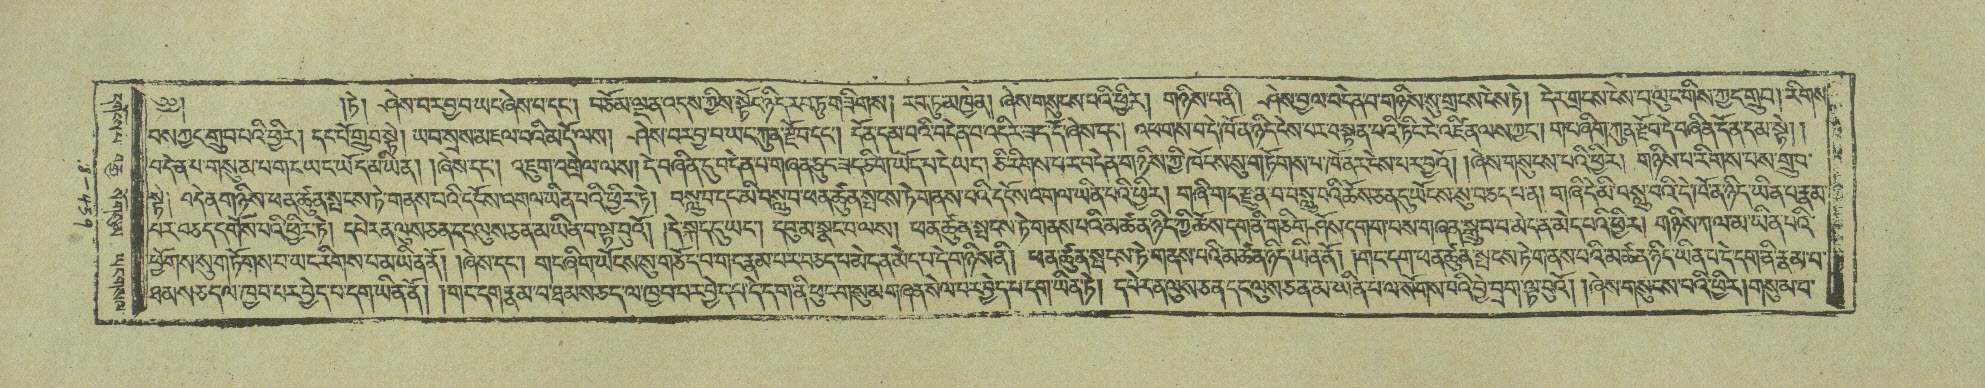༄༅། །ཏེ། ཤེས་པར་བྱ་བ་ཡང་ཞེས་པ་དང་། བཅོམ་ལྡན་འདས་ཀྱིས་སྟོང་ཉིད་རབ་ཏུ་གཟིགས། རབ་ཏུ་མཁྱེན། ཞེས་གསུངས་པའི་ཕྱིར། གཉིས་པ་ནི། ཤེས་བྱ་ལ་བདེན་པ་གཉིས་སུ་གྲངས་ངེས་ཏེ། དེར་གྲངས་ངེས་པ་ལུང་གིས་ཀྱང་གྲུབ། རིག་
པས་ཀྱང་གྲུབ་པའི་ཕྱིར། དང་པོ་གྲུབ་སྟེ། ཡབ་སྲས་མཇལ་བའི་མདོ་ལས། ཤེས་པར་བྱ་བ་ཡང་ཀུན་རྫོབ་དང་། དོན་དམ་པའི་བདེན་པ་འདིར་ཟད་དོ་ཞེས་དང་། འཕགས་པ་དེ་ཁོ་ན་ཉིད་ངེས་པར་བསྟན་པའི་ཏིང་ངེ་འཛིན་ལས་ཀྱང་། གང་ཞིག་ཀུན་རྫོབ་དེ་བཞིན་དོན་དམ་སྟེ། །
བདེན་པ་གསུམ་པ་གང་ཡང་ཡོད་མ་ཡིན། །ཞེས་དང་། འཇུག་འགྲེལ་ལས། དེ་བཞིན་དུ་བདེན་པ་གཞན་ཅུང་ཟད་ཅིག་ཡོད་པ་དེ་ཡང་། ཅི་རིགས་པར་བདེན་གཉིས་ཀྱི་ཁོངས་སུ་གཏོགས་པ་ཁོ་ནར་ངེས་པར་བྱའོ། །ཞེས་གསུངས་པའི་ཕྱིར། གཉིས་པ་རིགས་པས་གྲུབ་
སྟེ། བདེན་གཉིས་ཕན་ཚུན་སྤངས་ཏེ་གནས་པའི་དངོས་འགལ་ཡིན་པའི་ཕྱིར་ཏེ། བསླུ་བ་དང་མི་བསླུ་བ་ཕན་ཚུན་སྤངས་ཏེ་གནས་པའི་དངོས་འགལ་ཡིན་པའི་ཕྱིར། གཞི་གང་རྫུན་པ་བསླུ་བའི་ཆོས་ཅན་དུ་ཡོངས་སུ་བཅད་པ་ན། གཞི་དེ་མི་བསླུ་བའི་དེ་ཁོ་ན་ཉིད་ཡིན་པ་རྣམ་
པར་བཅད་དགོས་པའི་ཕྱིར་ཏེ། དཔེར་ན་ལུས་ཅན་དང་ལུས་ཅན་མ་ཡིན་པ་ལྟ་བུའོ། །དེ་སྐད་དུ་ཡང་། དབུ་མ་སྣང་བ་ལས། ཕན་ཚུན་སྤངས་ཏེ་གནས་པའི་མཚན་ཉིད་ཀྱི་ཆོས་དག་ནི་གཅིག་ཤོས་དགག་པས་གཞན་སྒྲུབ་པ་མེད་ན་མེད་པའི་ཕྱིར། གཉིས་ཀ་ལ་མ་ཡིན་པའི་
ཕྱོགས་སུ་གཏོགས་པ་ཡང་རིགས་པ་མ་ཡིན་ནོ། །ཞེས་དང་། གང་ཞིག་ཡོངས་སུ་གཅོད་པ་གང་རྣམ་པར་བཅད་པ་མེད་ན་མེད་པ་དེ་གཉིས་ནི། ཕན་ཚུན་སྤངས་ཏེ་གནས་པའི་མཚན་ཉིད་ཡིན་ནོ། །གང་དག་ཕན་ཚུན་སྤངས་ཏེ་གནས་པའི་མཚན་ཉིད་ཡིན་པ་དེ་དག་ནི་རྣམ་པ་
ཐམས་ཅད་ལ་ཁྱབ་པར་བྱེད་པ་དག་ཡིན་ནོ། །གང་དག་རྣམ་པ་ཐམས་ཅད་ལ་ཁྱབ་པར་བྱེད་པ་དེ་དག་ནི་ཕུང་གསུམ་གཞན་སེལ་བར་བྱེད་པ་དག་ཡིན་ཏེ། དཔེར་ན་ལུས་ཅན་དང་ལུས་ཅན་མ་ཡིན་པ་ལ་སོགས་པའི་བྱེ་བྲག་ལྟ་བུའོ། །ཞེས་གསུངས་པའི་ཕྱིར། གསུམ་པ་